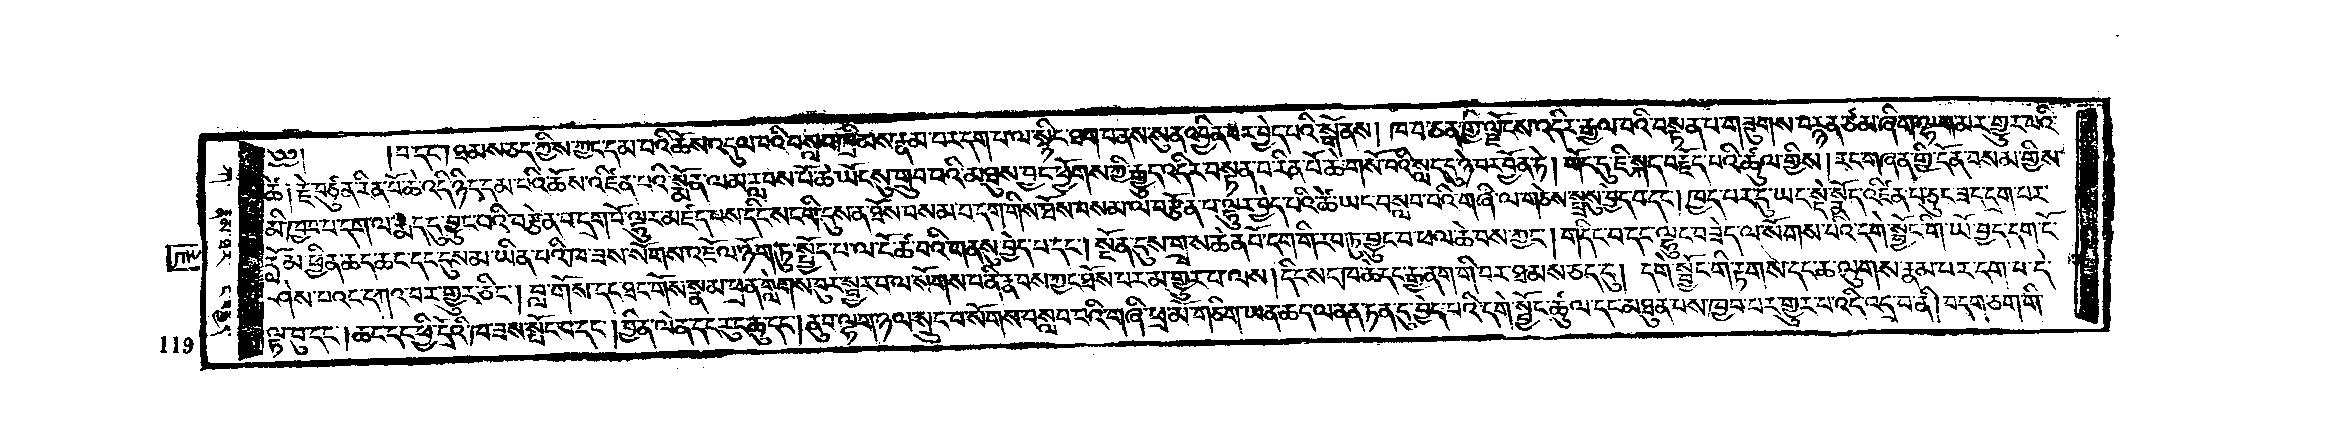༄༅། །པ་དང་། ཐམས་ཅད་ཀྱིས་ཀྱང་དམ་པའི་ཆོས་འདུལ་བའི་བསླབ་ཁྲིམས་རྣམ་པར་དག་པ་ལ་སྙིང་ཐག་པ་ནས་སུན་འབྱིན་པར་བྱེད་པའི་སྒོ་ནས། ཁ་བ་ཅན་གྱི་ལྗོངས་འདིར་རྒྱལ་བའི་བསྟན་པ་གཟུགས་བརྙན་ཙམ་ཞིག་ལྷག་མར་གྱུར་པའི་
ཚེ། རྗེ་བཙུན་རིན་པོ་ཆེ་འདི་ཉིད་དམ་པའི་ཆོས་འཛིན་པའི་སྨོན་ལམ་རླབས་པོ་ཆེ་ཡོངས་སུ་གྲུབ་པའི་མཐུས་བྱང་ཕྱོགས་ཀྱི་རྒྱུད་འདིར་བསྟན་པ་རིན་པོ་ཆེ་གསོ་བའི་སླད་དུ་ཉེ་བར་བྱོན་ཏེ། གོང་དུ་ཇི་སྐད་བརྗོད་པའི་ཚུལ་གྱིས། རང་གཞན་གྱི་དོན་བསམ་གྱིས་
མི་ཁྱབ་པ་དག་ལ་རྨད་དུ་བྱུང་བའི་བརྩེན་བ་དྲག་པོ་ལྷུར་མཛད་པས་དིང་སང་གི་དུས་ན་ཐོས་བསམ་པ་དག་གིས་ཐོས་བསམ་ལ་བརྩོན་པ་ལྷུར་བྱེད་པའི་ཚེ་ཡང་བསླབ་པའི་གཞི་ལ་གཅེས་སྤྲས་སུ་བྱེད་པ་དང་། ཁྱད་པར་དུ་ཡང་སྡེ་སྣོད་འཛིན་པ་ཅུང་ཟད་དྲག་པར་
རློམ་ཕྱིན་ཆད་ཆང་དང་དུས་མ་ཡིན་པའི་ཁ་ཟས་སོགས་འཇོལ་ཉོག་ཏུ་སྤྱོད་པ་ལ་ངོ་ཚ་བའི་གནས་སུ་བྱེད་པ་དང་། སྔོན་དུས་གྲྭ་ས་ཆེན་པོ་དག་གི་རབ་ཏུ་བྱུང་བ་ཕལ་ཆེ་བས་ཀྱང་། གདིང་བ་དང་ལྷུང་བཟེད་ལ་སོགས་པའི་དགེ་སྦྱོང་གི་ཡོ་བྱད་དག་ངོ་
ཤེས་པའང་དཀའ་བར་གྱུར་ཅིང་། བླ་གོས་དང་ཐང་གོས་སྣམ་ཕྲན་གླེགས་བུར་སྦྱར་བ་ལ་སོགས་པ་ནི་རྣ་བས་ཀྱང་ཐོས་པར་མ་གྱུར་པ་ལས། དིང་སང་ཁ་ཆེ་དང་རྒྱ་ནག་གི་བར་ཐམས་ཅད་དུ། དགེ་སྦྱོང་གི་རྟགས་དང་ཆ་ལུགས་རྣམ་པར་དག་པ་དེ་
ལྟ་བུ་དང་། ཆང་དང་ཕྱི་དྲོའི་ཁ་ཟས་སྤོང་བ་དང་། བྱིན་ལེན་དང་རུང་ཆུ་དང་། ནུབ་ལྷག་ཉལ་སྲུང་བ་སོགས་བསླབ་པའི་གཞི་ཕྲ་མོ་གཅིག་ཡན་ཆད་ལ་ནན་ཏན་དུ་བྱེད་པའི་དགེ་སྦྱོང་ཚུལ་དང་མཐུན་པས་ཁྱབ་པར་གྱུར་པ་འདི་འདྲ་བ་ནི། བདག་ཅག་གི་